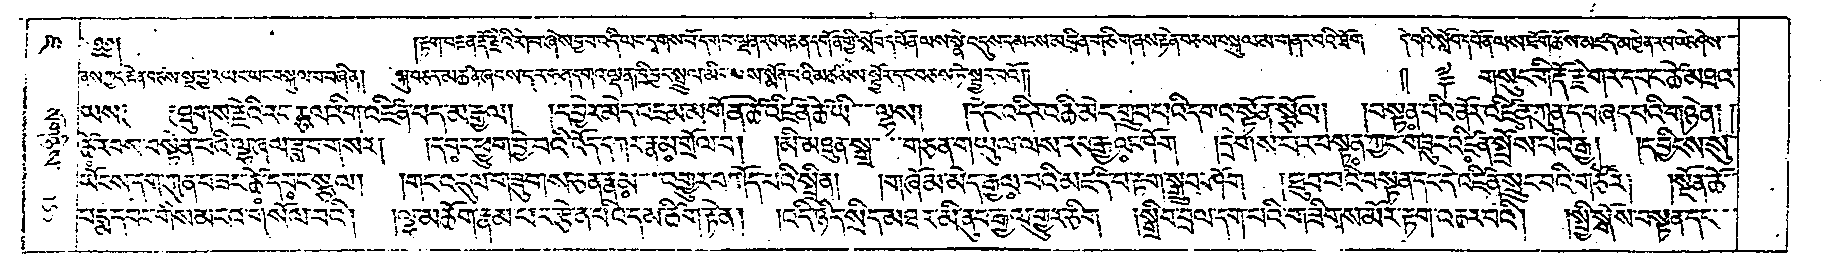༄༅། །རྟག་བརྟན་རྡོ་རྗེའི་རེ་ཁ་ཞེས་བྱ་བ་འདི་ཡང་དྭགས་པོ་དགའ་ལྡན་རབ་བརྟན་དགོན་གྱི་སློབ་དཔོན་ལས་སྣེ་འདུས་དམངས་མགྲིན་གཅིག་ནས་རྟེན་བཅས་བསྐུལ་མ་གནང་བའི་ཐོག །དེ་གའི་སློབ་དཔོན་ལས་ཐོག་ཆོས་མཛད་མཁྱེན་རབ་ཡེ་ཤེས་
ནས་ཀྱང་རྟེན་བཅས་སྔ་ཕྱར་ཡང་ཡང་བསྐུལ་བ་བཞིན། སྐུ་བཅར་མཚན་ཞབས་དར་ཧན་དགའ་ལྡན་ཁྲི་བྱང་སྤྲུལ་མིང་པས་སྨོན་པའི་མཚམས་སྦྱོར་དང་བཅས་ཏེ་སྦྱར་བའོ།། །། ༈ གསུང་གི་རྡོ་རྗེ་གར་དབང་ཚེ་མཐའ་
ཡས༑ ༑ཐུགས་རྗེའི་རང་རྩལ་རིག་འཛིན་པད་མ་རྒྱལ། །དབྱེར་མེད་འཇམ་མགོན་ཚེ་འཛིན་ཚེ་ཡི་ལྷས། །དེང་འདིར་འཆི་མེད་གྲུབ་པའི་དགའ་སྟོན་སྩོལ། །བསྟན་པའི་ནོར་འཛིན་ཀུན་ད་བཞད་པའི་གཉེན། །
ཚེ་རབས་བསྟེན་པའི་ལྷ་ཞལ་ཟླ་བ་གསར། །དབང་ཕྱུག་བྱེ་བའི་འོད་དཀར་རྣམ་གྲོལ་བ། །མི་མཐུན་སྒྲ་གཅན་གཡུལ་ལས་རབ་རྒྱལ་ཤོག །དྲེགས་པར་བསྟན་ཀྱང་གཟུང་འཛིན་སྤྲོས་པའི་རྒྱ། །དབྱིངས་སུ་
ཡོངས་དག་ཀུན་བཟང་ཚེ་དབང་སྩལ། །གང་འདུལ་གཟུགས་ཅན་རྣམ་འགྱུར་བཀོད་པའི་སྤྲིན། །གཞོམ་མེད་རྒྱལ་བའི་མཛད་པ་རྟག་སྒྲུབ་ཤོག །ཐུབ་པའི་བསྟན་དང་དེ་འཛིན་སྲུང་བའི་གཙོར། །སྔོན་ཚེ་
པདམ་དབང་གིས་མངའ་གསོལ་བའི། །ལྷ་མཆོག་རྣམ་པར་རྩེན་པའི་དམ་ཚིག་རྟེན། །འདི་ཉིད་སྲིད་མཐར་མི་ནུབ་རྒྱལ་གྱུར་ཅིག །སྒྲིབ་བྲལ་དག་པའི་གཟིགས་མོར་རྟག་འཆར་བའི། །སྤྱི་སྒོས་བསྟན་དང་